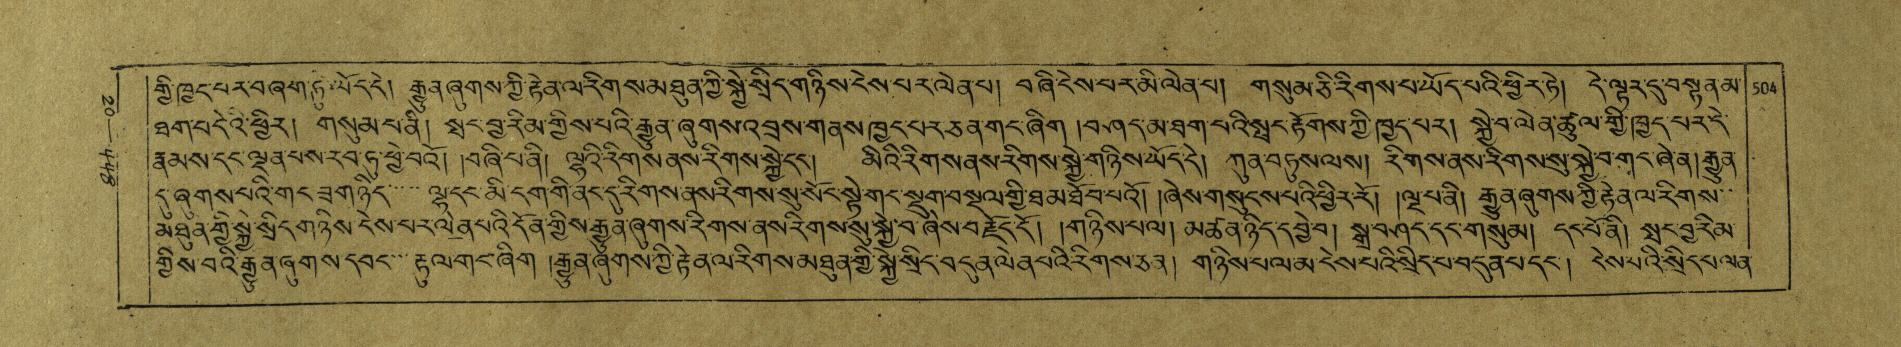གྱི་ཁྱད་པར་བཞག་ཏུ་ཡོད་དེ། རྒྱུན་ཞུགས་ཀྱི་རྟེན་ལ་རིགས་མཐུན་ཀྱི་སྐྱེ་སྲིད་གཉིས་ངེས་པར་ལེན་པ། བཞི་ངེས་པར་མི་ལེན་པ། གསུམ་ཅི་རིགས་པ་ཡོད་པའི་ཕྱིར་ཏེ། དེ་ལྟར་དུ་བསྟན་མ་
ཐག་པ་དེའི་ཕྱིར། གསུམ་པ་ནི། སྤང་བྱ་རིམ་གྱིས་པའི་རྒྱུན་ཞུགས་འབྲས་གནས་ཁྱད་པར་ཅན་གང་ཞིག །བཤད་མ་ཐག་པའི་སྤང་རྟོགས་ཀྱི་ཁྱད་པར། སྐྱེ་བ་ལེན་ཚུལ་གྱི་ཁྱད་པར་དེ་
རྣམས་དང་ལྡན་པས་རབ་ཏུ་ཕྱེ་བའོ། །བཞི་པ་ནི། ལྷའི་རིགས་ནས་རིགས་སྐྱེ་དང་། མིའི་རིགས་ནས་རིགས་སྐྱེ་གཉིས་ཡོད་དེ། ཀུན་བཏུས་ལས། རིགས་ནས་རིགས་སུ་སྐྱེ་བ་གང་ཞེ་ན། རྒྱུན་
དུ་ཞུགས་པའི་གང་ཟག་ཉིད་ལྷ་དང་མི་དག་གི་ནང་དུ་རིགས་ནས་རིགས་སུ་སོང་སྟེ་གང་སྡུག་བསྔལ་གྱི་ཐ་མ་ཐོབ་པའོ། །ཞེས་གསུངས་པའི་ཕྱིར་རོ། །ལྔ་པ་ནི། རྒྱུན་ཞུགས་ཀྱི་རྟེན་ལ་རིགས་
མཐུན་གྱི་སྐྱེ་སྲིད་གཉིས་ངེས་པར་ལེན་པའི་དོན་གྱིས་རྒྱུན་ཞུགས་རིགས་ནས་རིགས་སུ་སྐྱེ་བ་ཞེས་བརྗོད་དོ། །གཉིས་པ་ལ། མཚན་ཉིད་དབྱེ་བ། སྒྲ་བཤད་དང་གསུམ། དང་པོ་ནི། སྤང་བྱ་རིམ་
གྱིས་བའི་རྒྱུན་ཞུགས་དབང་རྟུལ་གང་ཞིག །རྒྱུན་ཞུགས་ཀྱི་རྟེན་ལ་རིགས་མཐུན་གྱི་སྐྱེ་སྲིད་བདུན་ལེན་པའི་རིགས་ཅན། གཉིས་པ་ལ་མ་ངེས་པའི་སྲིད་པ་བདུན་པ་དང་། ངེས་པའི་སྲིད་པ་ལན་